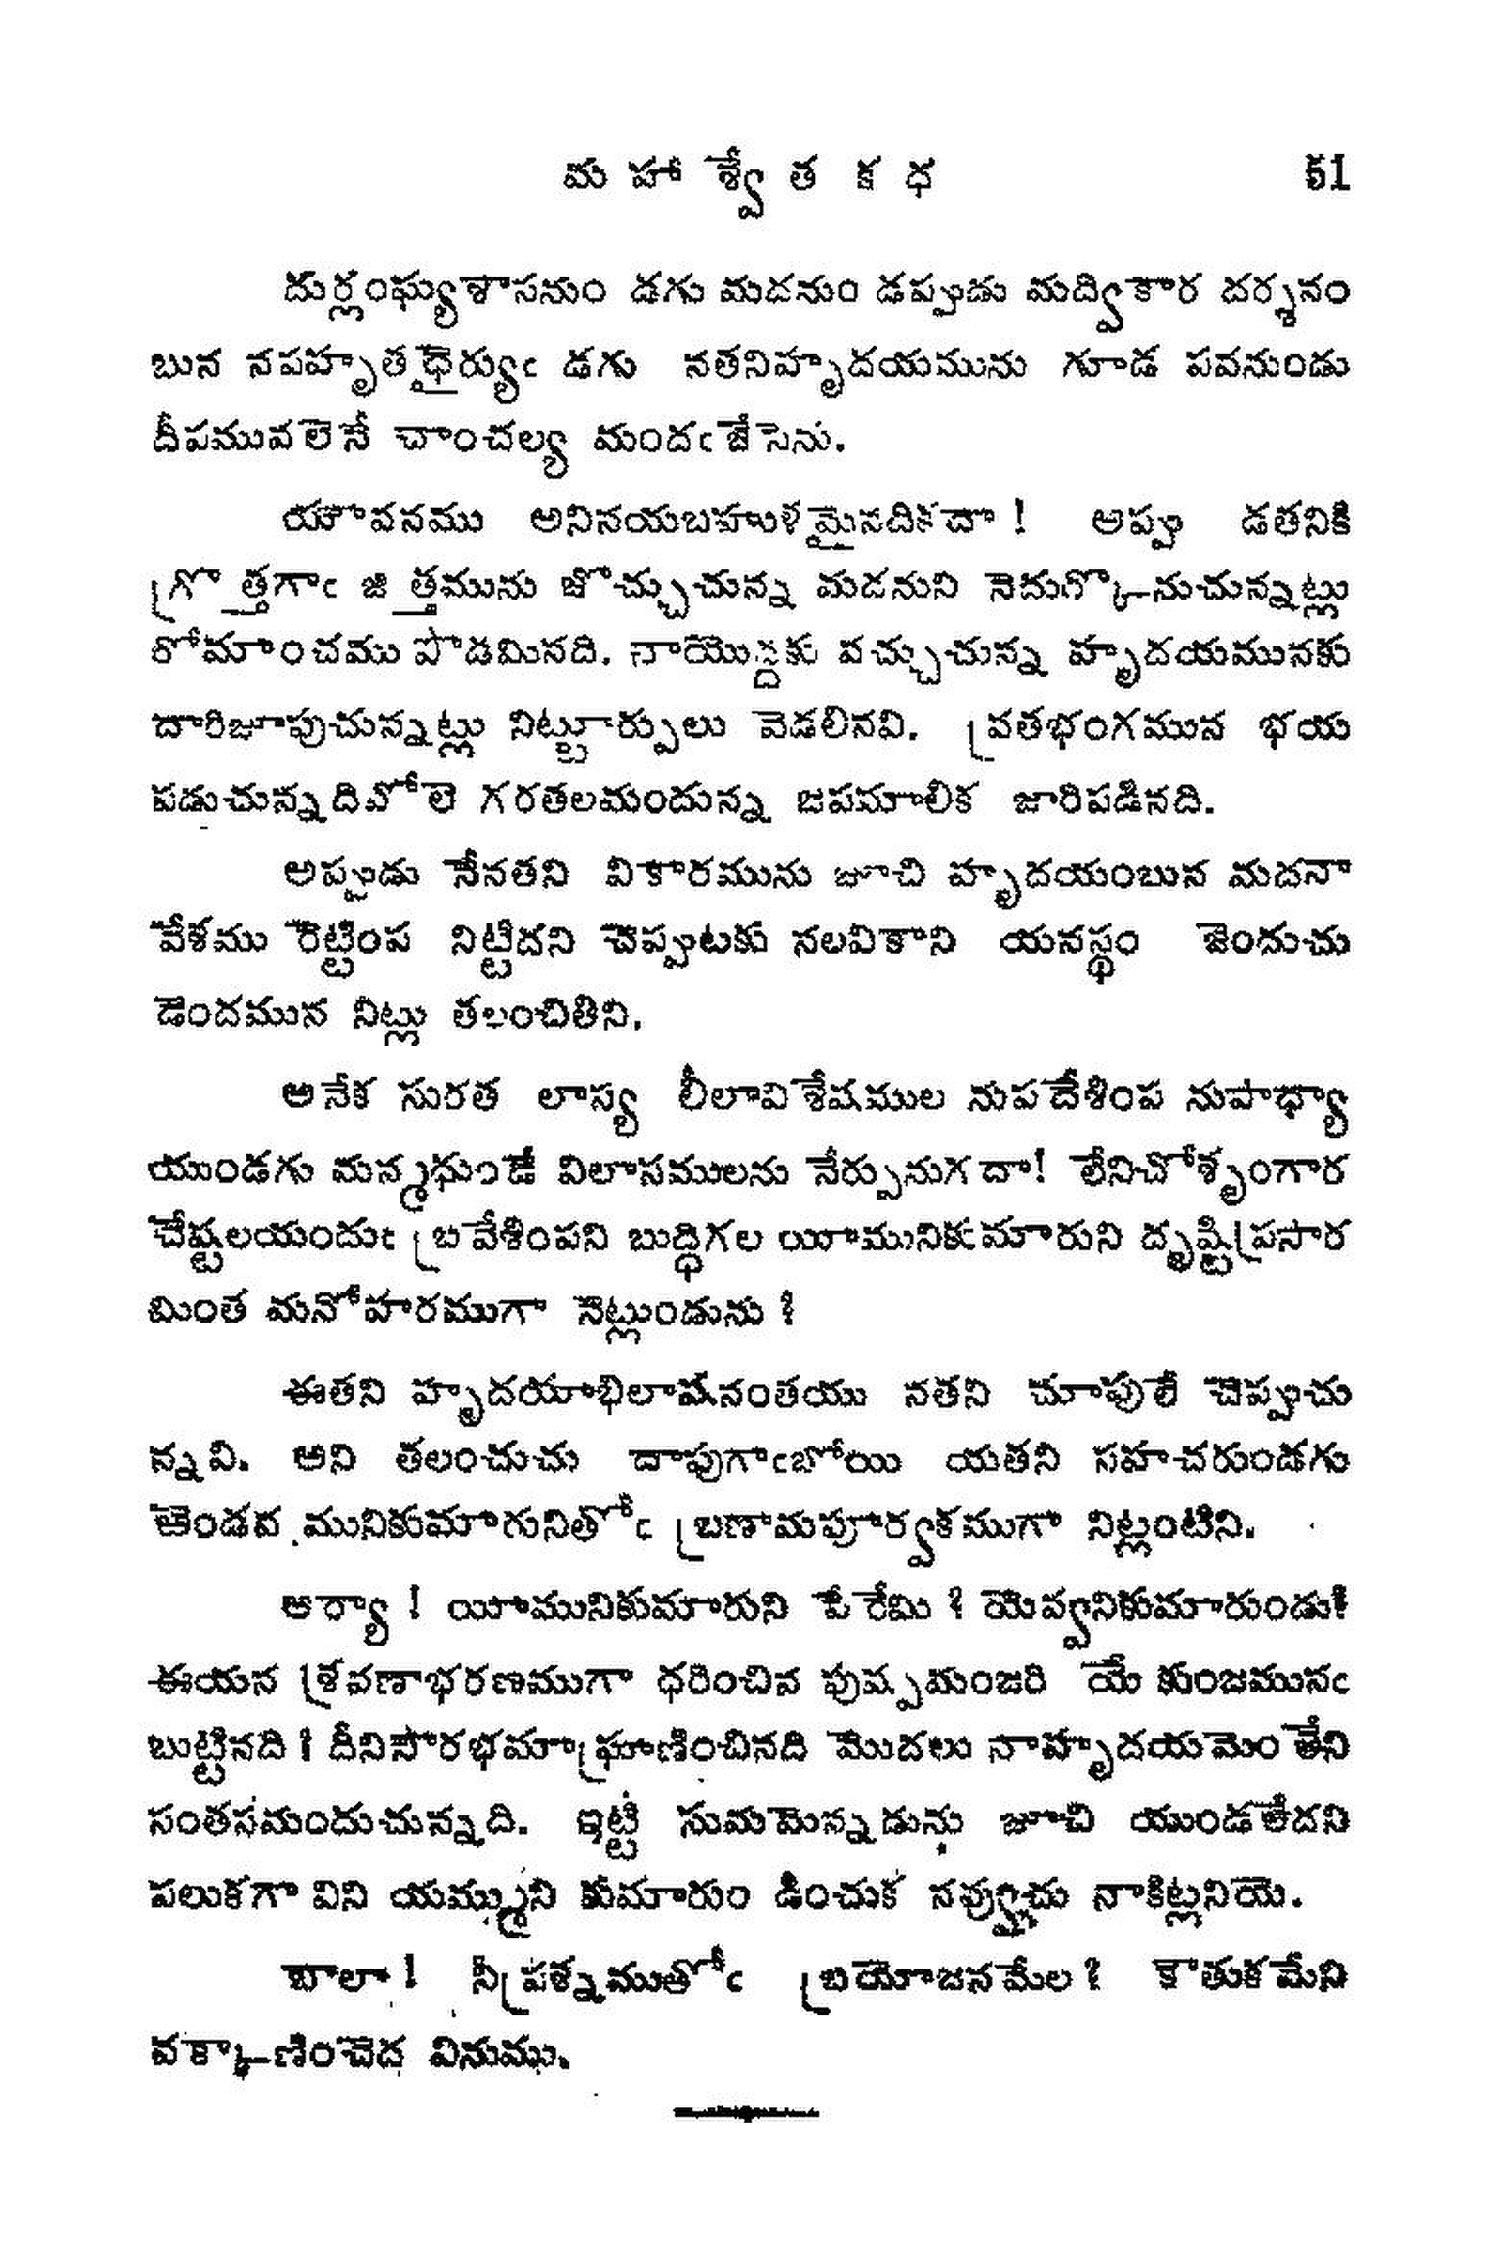దుర్లంఘ్యశాసనుం డగు మదనుం డప్పుడు మద్వికార దర్శనంబున నపహృతధైర్యుఁ డగు నతనిహృదయమును గూడ పవనుండు దీపమువలెనే చాంచల్య మందఁజేసెను.

యౌవనము అనినయబహుళమైనదికదా! అప్పు డతనికి గ్రొత్తగాఁ జిత్తమును జొచ్చుచున్న మదనుని నెదుర్కొనుచున్నట్లు రోమాంచము పొడమినది. నాయొద్దకు వచ్చుచున్న హృదయమునకు దారిజూపుచున్నట్లు నిట్టూర్పులు వెడలినవి. వ్రతభంగమున భయపడుచున్నదివోలె గరతలమందున్న జపమాలిక జారిపడినది.

అప్పుడు నేనతని వికారమును జూచి హృదయంబున మదనావేశము రెట్టింప నిట్టిదని చెప్పుటకు నలవికాని యవస్థం జెందుచు డెందమున నిట్లు తలంచితిని.

అనేక సురత లాస్య లీలావిశేషముల నుపదేశింప నుపాధ్యాయుండగు మన్మధుండే విలాసములను నేర్పునుగదా! లేనిచోశృంగార చేష్టలయందుఁ బ్రవేశింపని బుద్ధిగల యీమునికుమారుని దృష్టిప్రసారమింత మనోహరముగా నెట్లుండును?

ఈతని హృదయాభిలాషనంతయు నతని చూపులే చెప్పుచున్నవి. అని తలంచుచు దాపుగాఁబోయి యతని సహచరుండగు ఱెండవ మునికుమారునితోఁ బ్రణామపూర్వకముగా నిట్లంటిని.

ఆర్యా! యీమునికుమారుని పే రేమి? యెవ్వనికుమారుండు? ఈయన శ్రవణాభరణముగా ధరించిన పుష్పమంజరి యే కుంజమునఁ బుట్టినది? దీనిసౌరభమాఘ్రాణించినది మొదలు నాహృదయమెం తేని సంతసమందుచున్నది. ఇట్టి సుమమెన్నడును జూచి యుండలేదని పలుకుగా విని యమ్ముని కుమారుం డించుక నవ్వుచు నాకిట్లనియె.

బాలా! నీప్రశ్నముతోఁ బ్రయోజనమేల? కౌతుకమేని వక్కణించెద వినుము.